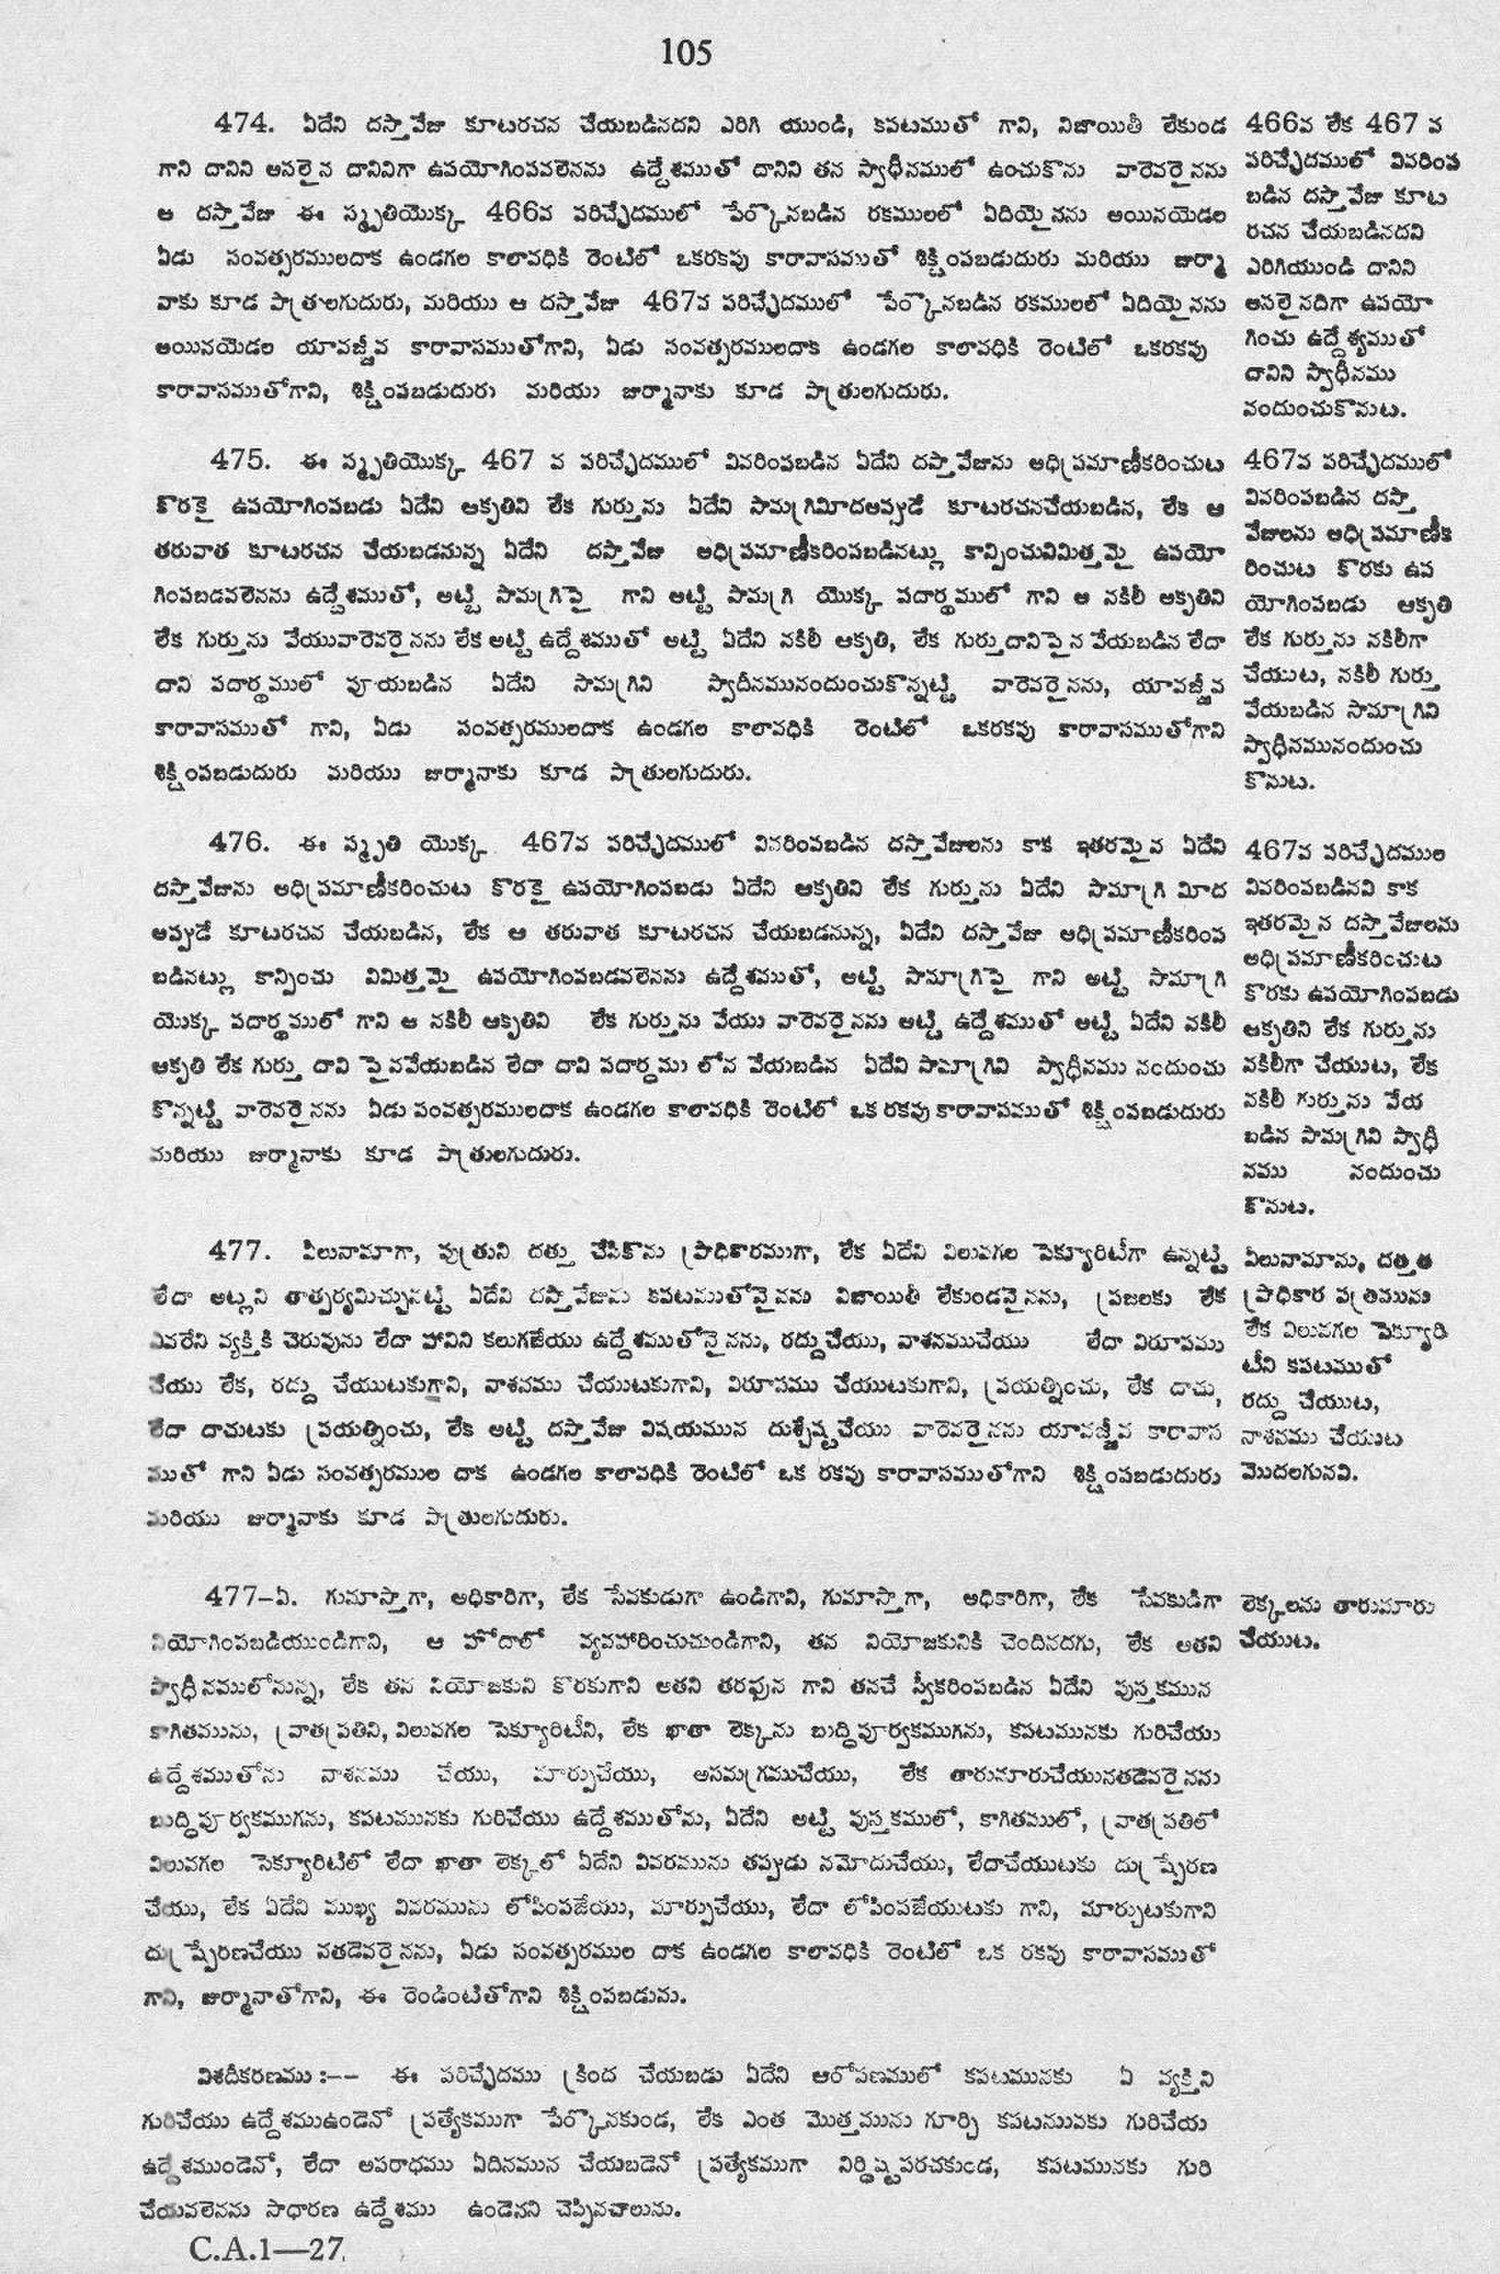466వ లేక 467వ పరిచ్ఛేదములో వివరింపబడిన దస్తావేజు కూటరచన చేయబడినదని ఎరిగియుండి దానిని అసలైనదిగా ఉపయోగించు ఉద్దేశ్యముతో దానిని స్వాధీనము నందుంచుకొనుట.

474. ఏదేని దస్తావేజు కూటరచన చేయబడినదని ఎరిగి యుండి, కపటముతో గాని, నిజాయితీ లేకుండ గాని దానిని అసలైన దానినిగా ఉపయోగింపవలెనను ఉద్దేశముతో దానిని తన స్వాధీనములో ఉంచుకొను వారెవరైనను ఆ దస్తావేజు ఈ స్మృతియొక్క 466వ పరిచ్ఛేదములో పేర్కొనబడిన రకములలో ఏదియైనను అయినయెడల ఏడు సంవత్సరములదాక ఉండగల కాలావధికి రెంటిలో ఒకరకపు కారావాసముతో శిక్షింపబడుదురు మరియు జుర్మానాకు కూడ పాత్రులగుదురు, మరియు ఆ దస్తావేజు 467వ పరిచ్ఛేదములో పేర్కొనబడిన రకములలో ఏదియైనను అయినయెడల యావజ్జీవ కారావాసముతోగాని, ఏడు సంవత్సరములదాక ఉండగల కాలావధికి రెంటిలో ఒకరకపు
కారావాసముతోగాని, శిక్షింపబడుదురు మరియు జుర్మానాకు కూడ పాత్రులగుదురు.

467వ పరిచ్ఛేదములో వివరింపబడిన దస్తావేజులను అధి ప్రమాణీకరించుట కొరకు ఉపయోగింపబడు ఆకృతిలేక గుర్తును నకిలీగా చేయుట, నకిలీ గుర్తు వేయబడిన సామాగ్రిని స్వాధీనమునందుంచు కొనుట.

475. ఈ స్మృతియొక్క 467 వ పరిచ్ఛేదములో వివరింపబడిన ఏదేని దస్తా వేజును అధి ప్రమాణీకరించుట కొరకై ఉపయోగింపబడు ఏదేని ఆకృతిని లేక గుర్తును ఏదేని సామగ్రిమీదఅప్పుడే కూటరచనచేయబడిన, లేక ఆ తరువాత కూటరచన చేయబడనున్న ఏదేని దస్తావేజు అధిప్రమాణీకరింపబడినట్లు కన్పించునిమిత్తమై ఉపయోగింపబడవలెనను ఉద్దేశముతో, అట్టి సామగ్రిపై గాని అట్టి సామగ్రి యొక్క పదార్థములో గాని ఆ నకిలీ ఆకృతిని లేక గుర్తును వేయువారెవరైనను లేక అట్టి ఉద్దేశముతో అట్టి ఏదేని నకిలీ ఆకృతి, లేక గుర్తు దాని పైన వేయబడిన లేదా దాని పదార్థములో పూయబడిన ఏదేని సామగ్రిని స్వాదీనమునందుంచుకొన్నట్టి వారెవరైనను, యావజ్జీవ కారావాసముతో గాని, ఏడు సంవత్సరములదాక ఉండగల కాలావధికి రెంటిలో ఒకరకపు కారావాసముతోగాని శిక్షింపబడుదురు మరియు జుర్మానాకు కూడ పాత్రులగుదురు.

467వ పరిచ్ఛేదముల వివరింపబడినవి కాక ఇతరమైన దస్తావేజులను అధి ప్రమాణీకరించుట కొరకు ఉపయోగింపబడు ఏదేని ఆకృతిని లేక గుర్తును నకిలీగా చేయుట, లేక నకిలీ గుర్తును వేయబడిన సామగ్రిని స్వాధినము నందుంచు కొనుట,

476. ఈ స్మృతి యొక్క 467వ పరిచ్ఛేదములో వివరించబడిన దస్తా వేదాలను కాక ఇతరమైన ఏదేని దస్తావేజును అధి ప్రమాణీకరించుట కొరకై ఉపయోగింపబడు ఏదేని ఆకృతిని లేక గుర్తును ఏదేని సామాగ్రి మీద అప్పుడే కూటరచవ చేయబడిన, లేక ఆ తరువాత కూటరచన చేయబడనున్న, ఏదేని దస్తావేజు అధి ప్రమాణీకరింప బడినట్లు కా విమిత్తమై ఉపయోగింపబడవలెనను ఉద్దేశముతో, అట్టి సామాగ్రి పై గాని అట్టి సామాగ్రి కొరకు ఉపయోగింపబడు యొక్క పదార్థములో గాని ఆ నకిలీ ఆకృతిని లేక గుర్తును వేయు వారెవరైనను అట్టి ఉద్దేశముతో అట్టి ఏదేవి నకిలీ ఆకృతిని ఆకృతి లేక గుర్తు దాని పై నవేయబడిన లేదా దాని పదార్థము లోన వేయబడిన ఏదేవి సామాగ్రిని స్వాధీనము నందుంచు కొన్నట్టి వారెవరైనను ఏడు సంవత్సరములదాక ఉండగల కాలావధికి రెంటిలో ఒక రకపు కారావాసముతొ శిక్షింపబడుదురు మరియు జుర్మానాకు కూడ పాత్రులగుదురు.

వీలునామాను, దత్తత ప్రాధికార పత్రమును లేక విలువగల సెక్యూరిటీని కపటముతో రద్దు చేయుట,నాశనము చేయుట
మొదలగునవి.

477. వీలునామాగా, పుత్రుని దత్తు చేసికొను ప్రాధికారముగా, లేక ఏదేని విలువగల సెక్యూరిటీగా ఉన్నట్టి లేదా అట్లని తాత్పర్య మిచ్చునట్టి ఏదేని దస్తావేజును కపటముతొనై నను నిజాయితీ లేకుండనైనను, ప్రజలకు లేక ఎవరేని వ్యక్తి కి చెరువును లేదా హానిని కలుగజేయు ఉద్దేశముతోనైనను, రద్దు చేయు, నాశనముచేయు లేదా విరూపము చేయు లేక, రద్దు చేయుటకుగాని, నాశనము చేయుటకుగాని, విరూపము చేయుటకుగాని, ప్రయత్నించు, లేక దాచు లేదా దాచుటకు ప్రయత్నించు, లేక అట్టి దస్తావేజు విషయమున దుశ్చేష్ట చేయు వారెవరైనను యావజ్జీవ కారావాస ముతో గాని ఏడు సంవత్సరముల దాక ఉండగల కాలావధికి రెంటిలో ఒక రకపు కారావాసముతోగాని శిక్షింపబడుదురు మరియు జుర్మానాకు కూడ పాత్రులగుదురు.

లెక్కలను తారుమారు చేయుట.

477-ఏ. గుమాస్తాగా, అధికారిగా, లేక సేవకుడుగా ఉండిగాని, గుమాస్తాగా, అధికారిగా, లేక సేవకుడిగా నియోగింపబడియుండిగాని, ఆ హోదాలో వ్యవహారించుచుండిగాని, తన వియోజకునికి చెందినదగు, లేక అతని స్వాధీనములోనున్న, లేక తన నియోజకుని కొరకుగాని అతని తరఫున గాని తనచే స్వీకరింపబడిన ఏదేని పుస్తకమునకాగితమును, వ్రాత ప్రతిని, విలువగల సెక్యూరిటీని, లేక ఖాతా లెక్కను బుద్ధి పూర్వకముగను, కపటమునకు గురిచేయు ఉద్దేశముతోను నాశనము చేయు, మార్పుచేయు, అసమగ్రముచేయు,లేక తారుమారు 
చేయునతడెవరైనను బుద్ధిపూర్వకముగను, కపటమునకు గురిచేయు ఉద్దేశముతోను, ఏదేని అట్టి పుస్తకములో, కాగితములో, వ్రాత ప్రతిలో విలువగల సెక్యూరిటీలో లేదా ఖాతా లెక్కలో ఏదేని వివరమును తప్పుడు నమోదుచేయు, లేదాచేయుటకు దుష్ప్రేరణ చేయు, లేక ఏదేని ముఖ్య వివరమును లోపింపజేయు, మార్పుచేయు, లేదా లోపింపజేయుటకు గాని, మార్చుటకుగాని దుష్ప్రేరణచేయు నతడెవరైనను, ఏడు సంవత్సరముల దాక ఉండగల కాలావధికి రెంటిలో ఒక రకపు కారావాసముతో గాని, జుర్మానాతోగాని, ఈ రెండింటితోగాని శిక్షింపబడును.

విశదీకరణము:-- ఈ పరిచ్ఛేదము క్రింద చేయబడు ఏదేని ఆరోపణములో కపటమునకు ఏ వ్యక్తిని గురిచేయు ఉద్దేశముఉండెనో ప్రత్యేకముగా పేర్కొనకుండ, లేక ఎంత మొత్త మును గూర్చి కపటమువకు గురిచేయ
ఉద్దేశముండెనో, లేదా అపరాధము ఏదినమున చేయబడెనో ప్రత్యేకముగా నిర్ధిష్ట పరచకుండ, కపటమునకు గురి
చేయవలెనను సాధారణ ఉద్దేశము ఉండెనని చెప్పినచాలును.